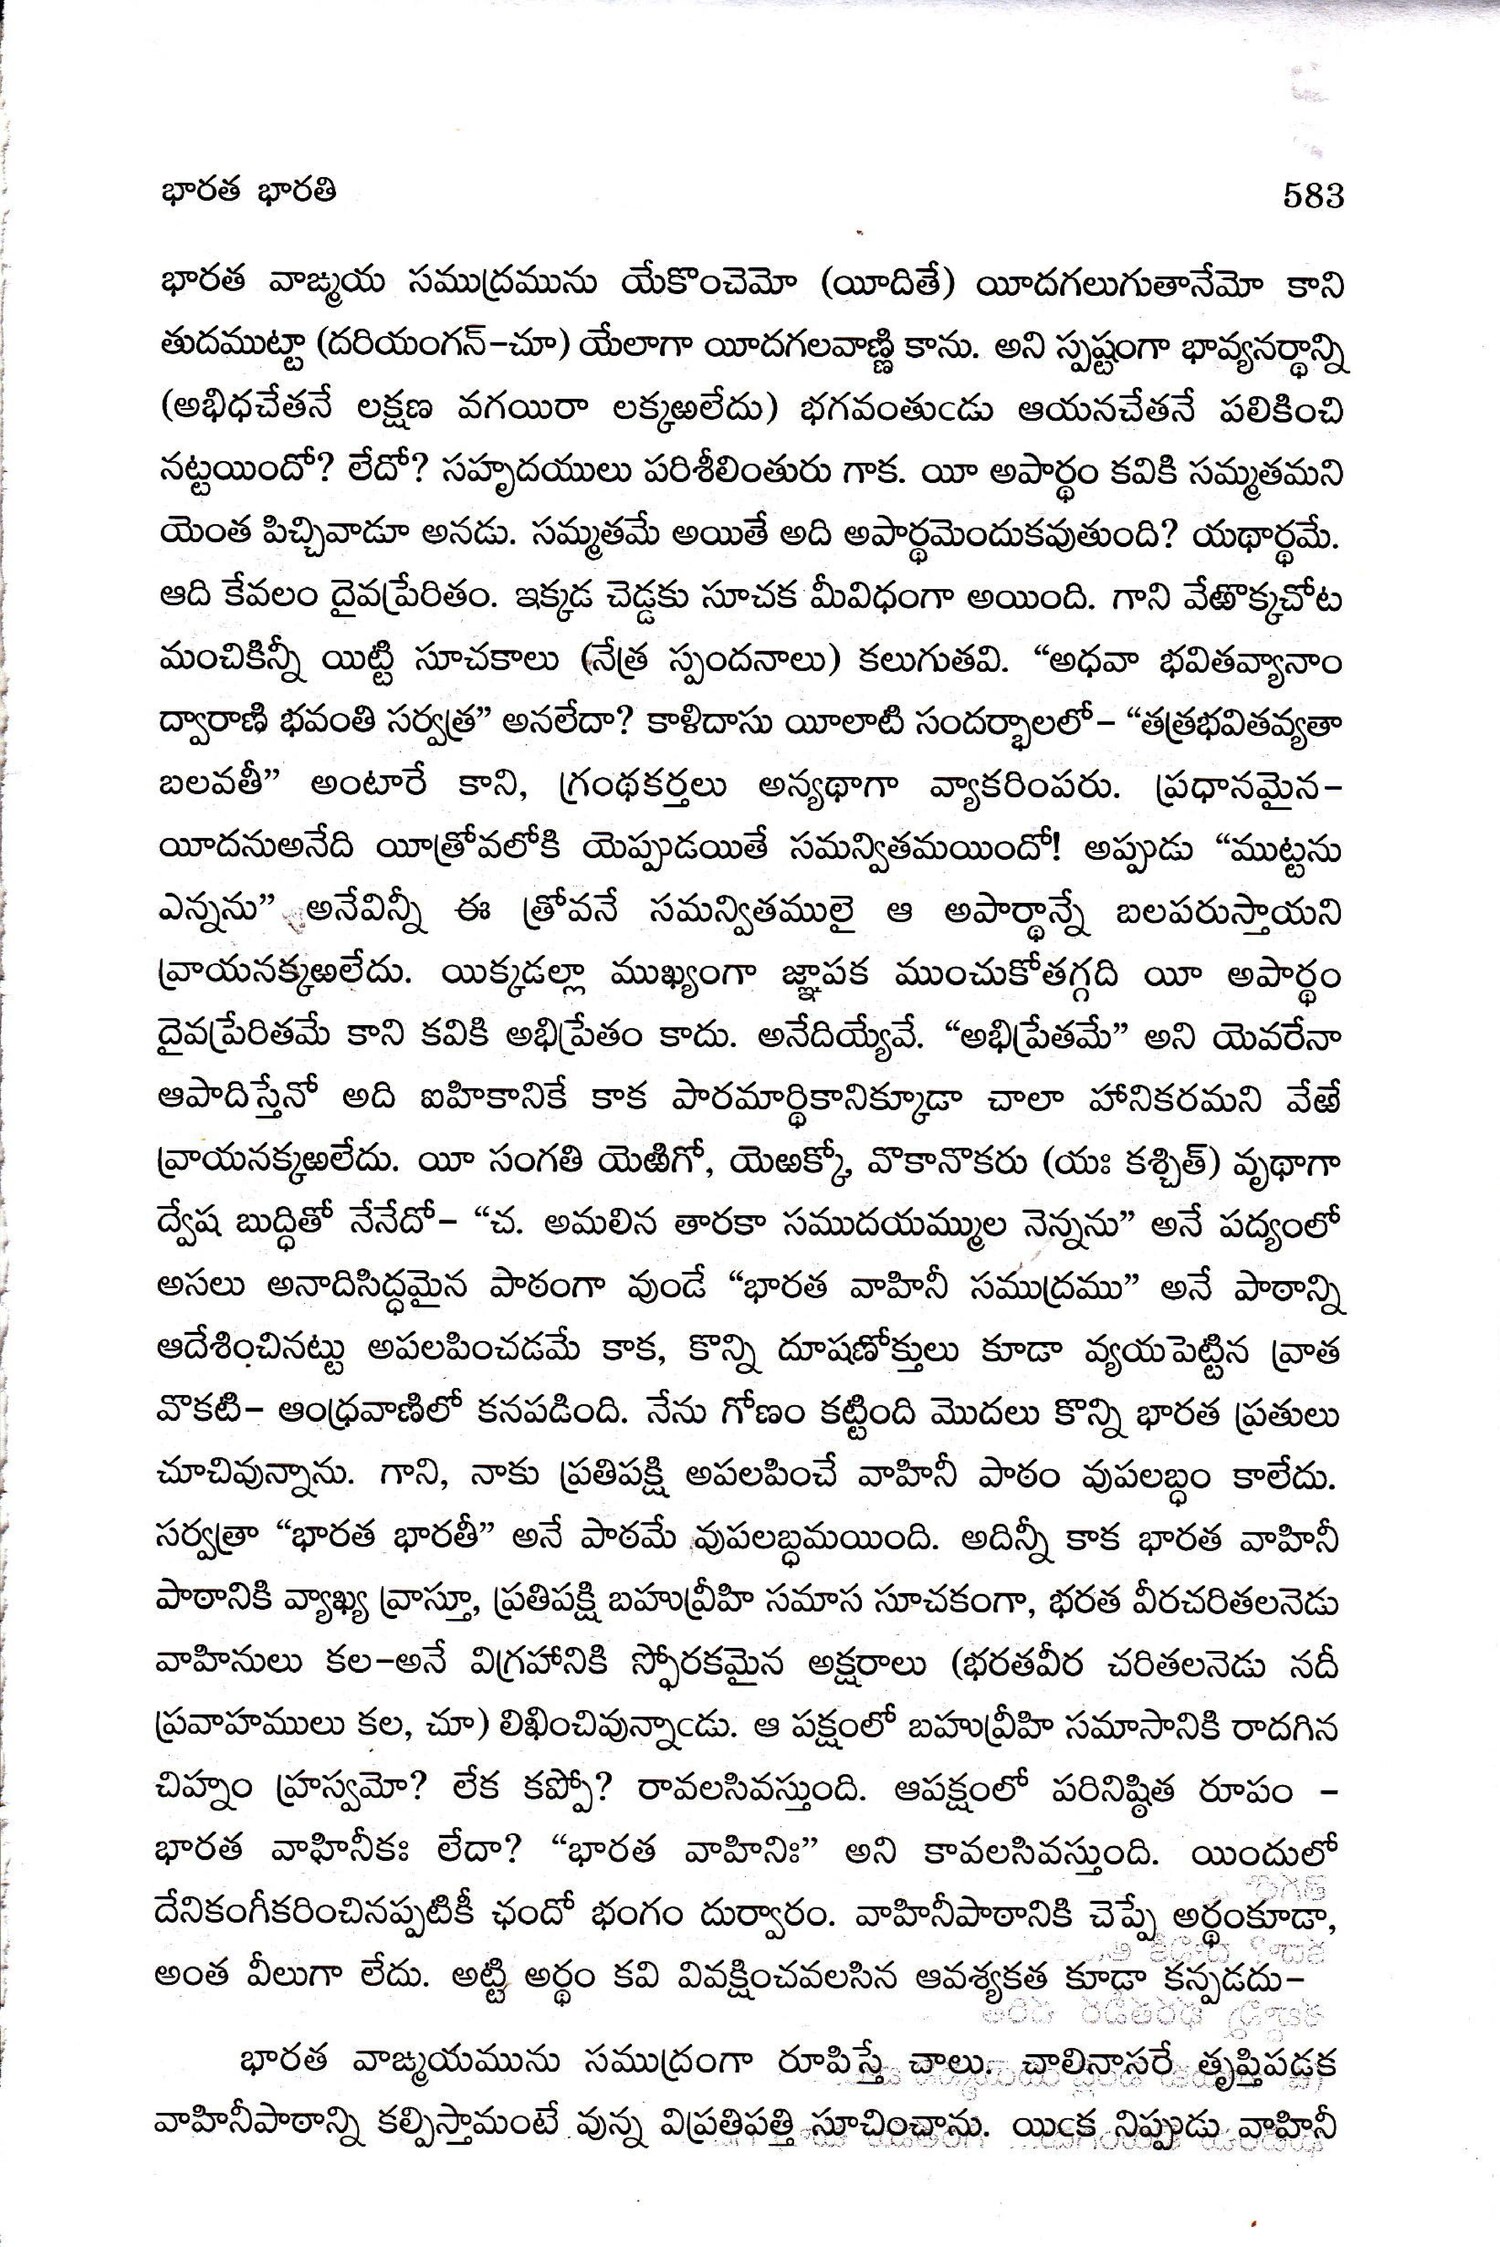భారత వాఙ్మయ సముద్రమును యేకొంచెమో (యీదితే) యీదగలుగుతానేమో కాని తుదముట్టా (దరియంగన్-చూ) యేలాగా యీదగలవాణ్ణి కాను. అని స్పష్టంగా భావ్యనర్థాన్ని (అభిధచేతనే లక్షణ వగయిరా లక్కఱలేదు) భగవంతుఁడు ఆయనచేతనే పలికించి నట్టయిందో? లేదో? సహృదయులు పరిశీలింతురు గాక. యీ అపార్థం కవికి సమ్మతమని యెంత పిచ్చివాడూ అనడు. సమ్మతమే అయితే అది అపార్ధమెందుకవుతుంది? యథార్థమే. అది కేవలం దైవప్రేరితం. ఇక్కడ చెడ్డకు సూచక మీవిధంగా అయింది. గాని వేఱొక్కచోట మంచికిన్నీ యిట్టి సూచకాలు (నేత్ర స్పందనాలు) కలుగుతవి. “అధవా భవితవ్యానాం ద్వారాణి భవంతి సర్వత్ర" అనలేదా? కాళిదాసు యీలాటి సందర్భాలలో- "తత్రభవితవ్యతా బలవతీ” అంటారే కాని, గ్రంథకర్తలు అన్యథాగా వ్యాకరింపరు. ప్రధానమైన యీదనుఅనేది యీశత్రోవలోకి యెప్పుడయితే సమన్వితమయిందో! అప్పుడు “ముట్టను ఎన్నను" అనేవిన్నీ ఈ త్రోవనే సమన్వితములై ఆ అపార్థాన్నే బలపరుస్తాయని వ్రాయనక్కఱలేదు. యిక్కడల్లా ముఖ్యంగా జ్ఞాపక ముంచుకోతగ్గది యీ అపార్థం దైవప్రేరితమే కాని కవికి అభిప్రేతం కాదు. అనేదియ్యేవే. “అభిప్రేతమే" అని యెవరేనా ఆపాదిస్తేనో అది ఐహికానికే కాక పారమార్థికానిక్కూడా చాలా హానికరమని వేఱే వ్రాయనక్కఱలేదు. యీ సంగతి యెఱిగో, యెఱక్కో వొకానొకరు (యః కశ్చిత్) వృథాగా ద్వేష బుద్ధితో నేనేదో- "చ. అమలిన తారకా సముదయమ్ముల నెన్నను" అనే పద్యంలో అసలు అనాదిసిద్ధమైన పాఠంగా వుండే "భారత వాహినీ సముద్రము" అనే పాఠాన్ని ఆదేశించినట్టు అపలపించడమే కాక, కొన్ని దూషణోక్తులు కూడా వ్యయపెట్టిన వ్రాత వొకటి- ఆంధ్రవాణిలో కనపడింది. నేను గోణం కట్టింది మొదలు కొన్ని భారత ప్రతులు చూచివున్నాను. గాని, నాకు ప్రతిపక్షి అపలపించే వాహినీ పాఠం వుపలబ్ధం కాలేదు. సర్వత్రా “భారత భారతీ” అనే పాఠమే వుపలబ్ధమయింది. అదిన్నీ కాక భారత వాహినీ పాఠానికి వ్యాఖ్య వ్రాస్తూ, ప్రతిపక్షి బహువ్రీహి సమాస సూచకంగా, భరత వీరచరితలనెడు వాహినులు కల – అనే విగ్రహానికి స్ఫోరకమైన అక్షరాలు (భరతవీర చరితలనెడు నదీ ప్రవాహములు కల, చూ) లిఖించివున్నాఁడు. ఆ పక్షంలో బహువ్రీహి సమాసానికి రాదగిన చిహ్నం హ్రస్వమో? లేక కప్పో? రావలసివస్తుంది. ఆపక్షంలో పరినిష్టిత రూపం - భారత వాహినీకః లేదా? “భారత వాహినిః" అని కావలసివస్తుంది. యిందులో దేనికంగీకరించినప్పటికీ ఛందో భంగం దుర్వారం. వాహినీపాఠానికి చెప్పే అర్థంకూడా, అంత వీలుగా లేదు. అట్టి అర్థం కవి వివక్షించవలసిన ఆవశ్యకత కూడా కన్పడదు-

భారత వాఙ్మయమును సముద్రంగా రూపిస్తే చాలు. చాలినాసరే తృప్తిపడక వాహినీపాఠాన్ని కల్పిస్తామంటే వున్న విప్రతిపత్తి సూచించాను. యిఁక నిప్పుడు వాహినీ